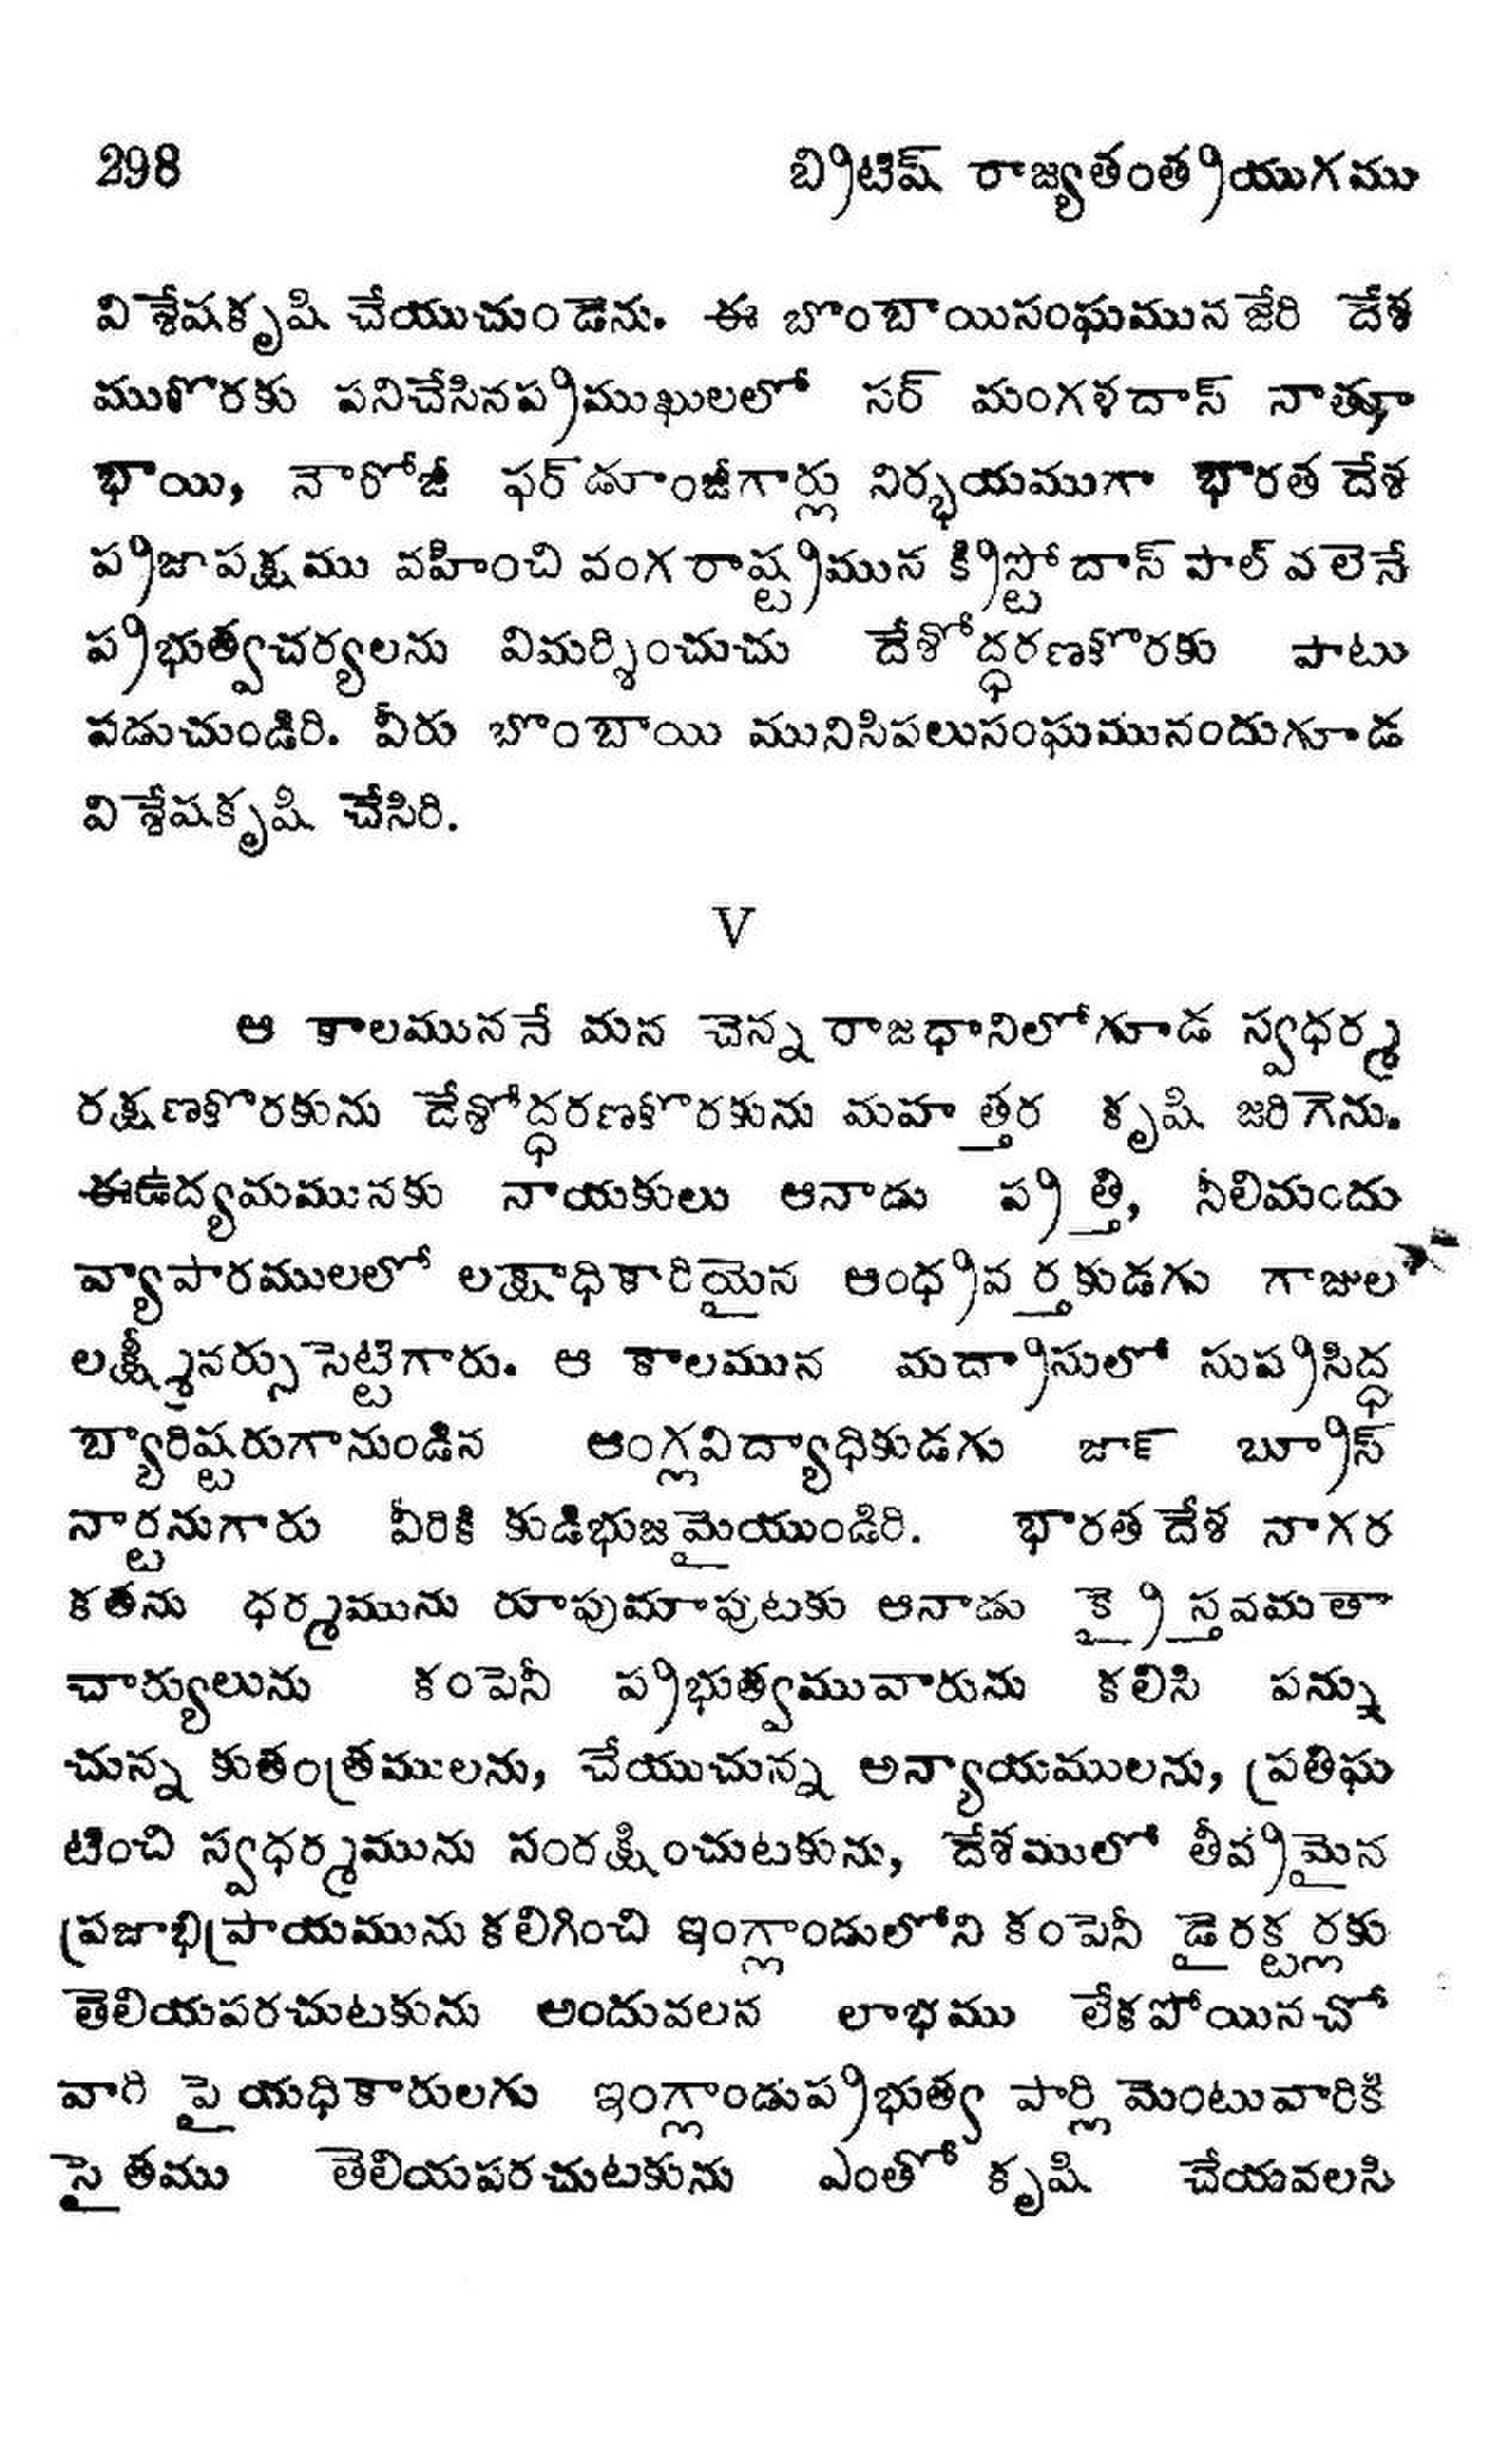విశేషకృషి చేయుచుండెను. ఈ బొంబాయిసంఘమునజేరి దేశముకొరకు పనిచేసినప్రముఖులలో సర్ మంగళదాస్ నాతూభాయి, నౌరోజీ ఫర్‌డూంజీగార్లు నిర్భయముగా భారతదేశ ప్రజాపక్షము వహించి వంగరాష్ట్రమున క్రిస్టోదాస్‌పాల్ వలెనే ప్రభుత్వచర్యలను విమర్శించుచు దేశోద్దరణకొరకు పాటుపడుచుండిరి. వీరు బొంబాయి మునిసిపలుసంఘము నందుగూడ విశేషకృషి చేసిరి.

V

ఆ కాలముననే మన చెన్నరాజధానిలోగూడ స్వధర్మ రక్షణకొరకును దేశోద్ధరణకొరకును మహత్తర కృషి జరిగెను. ఈఉద్యమమునకు నాయకులు ఆనాడు ప్రత్తి, నీలిమందువ్యాపారములలో లక్షాధికారియైన ఆంధ్రవర్తకుడగు గాజుల లక్ష్మీనర్సుసెట్టిగారు. ఆ కాలమున మద్రాసులో సుప్రసిద్ధ బ్యారిష్టరుగానుండిన ఆంగ్లవిద్యాధికుడగు జా౯ బ్రూస్ నార్టనుగారు వీరికి కుడిభుజమైయుండిరి. భారతదేశ నాగరకతను ధర్మమును రూపుమాపుటకు ఆనాడు క్రైస్తవమతాచార్యులును కంపెనీ ప్రభుత్వమువారును కలిసి పన్నుచున్న కుతంత్రములను, చేయుచున్న అన్యాయములను, ప్రతిఘటించి స్వధర్మమును సంరక్షించుటకును, దేశములో తీవ్రమైన ప్రజాభిప్రాయమును కలిగించి ఇంగ్లాండులోని కంపెనీ డైరక్టర్లకు తెలియపరచుటకును అందువలన లాభము లేకపోయినచో వారి పై యధికారులగు ఇంగ్లాండుప్రభుత్వ పార్లమెంటువారికి సైతము తెలియపరచుటకును ఎంతో కృషి చేయవలసి